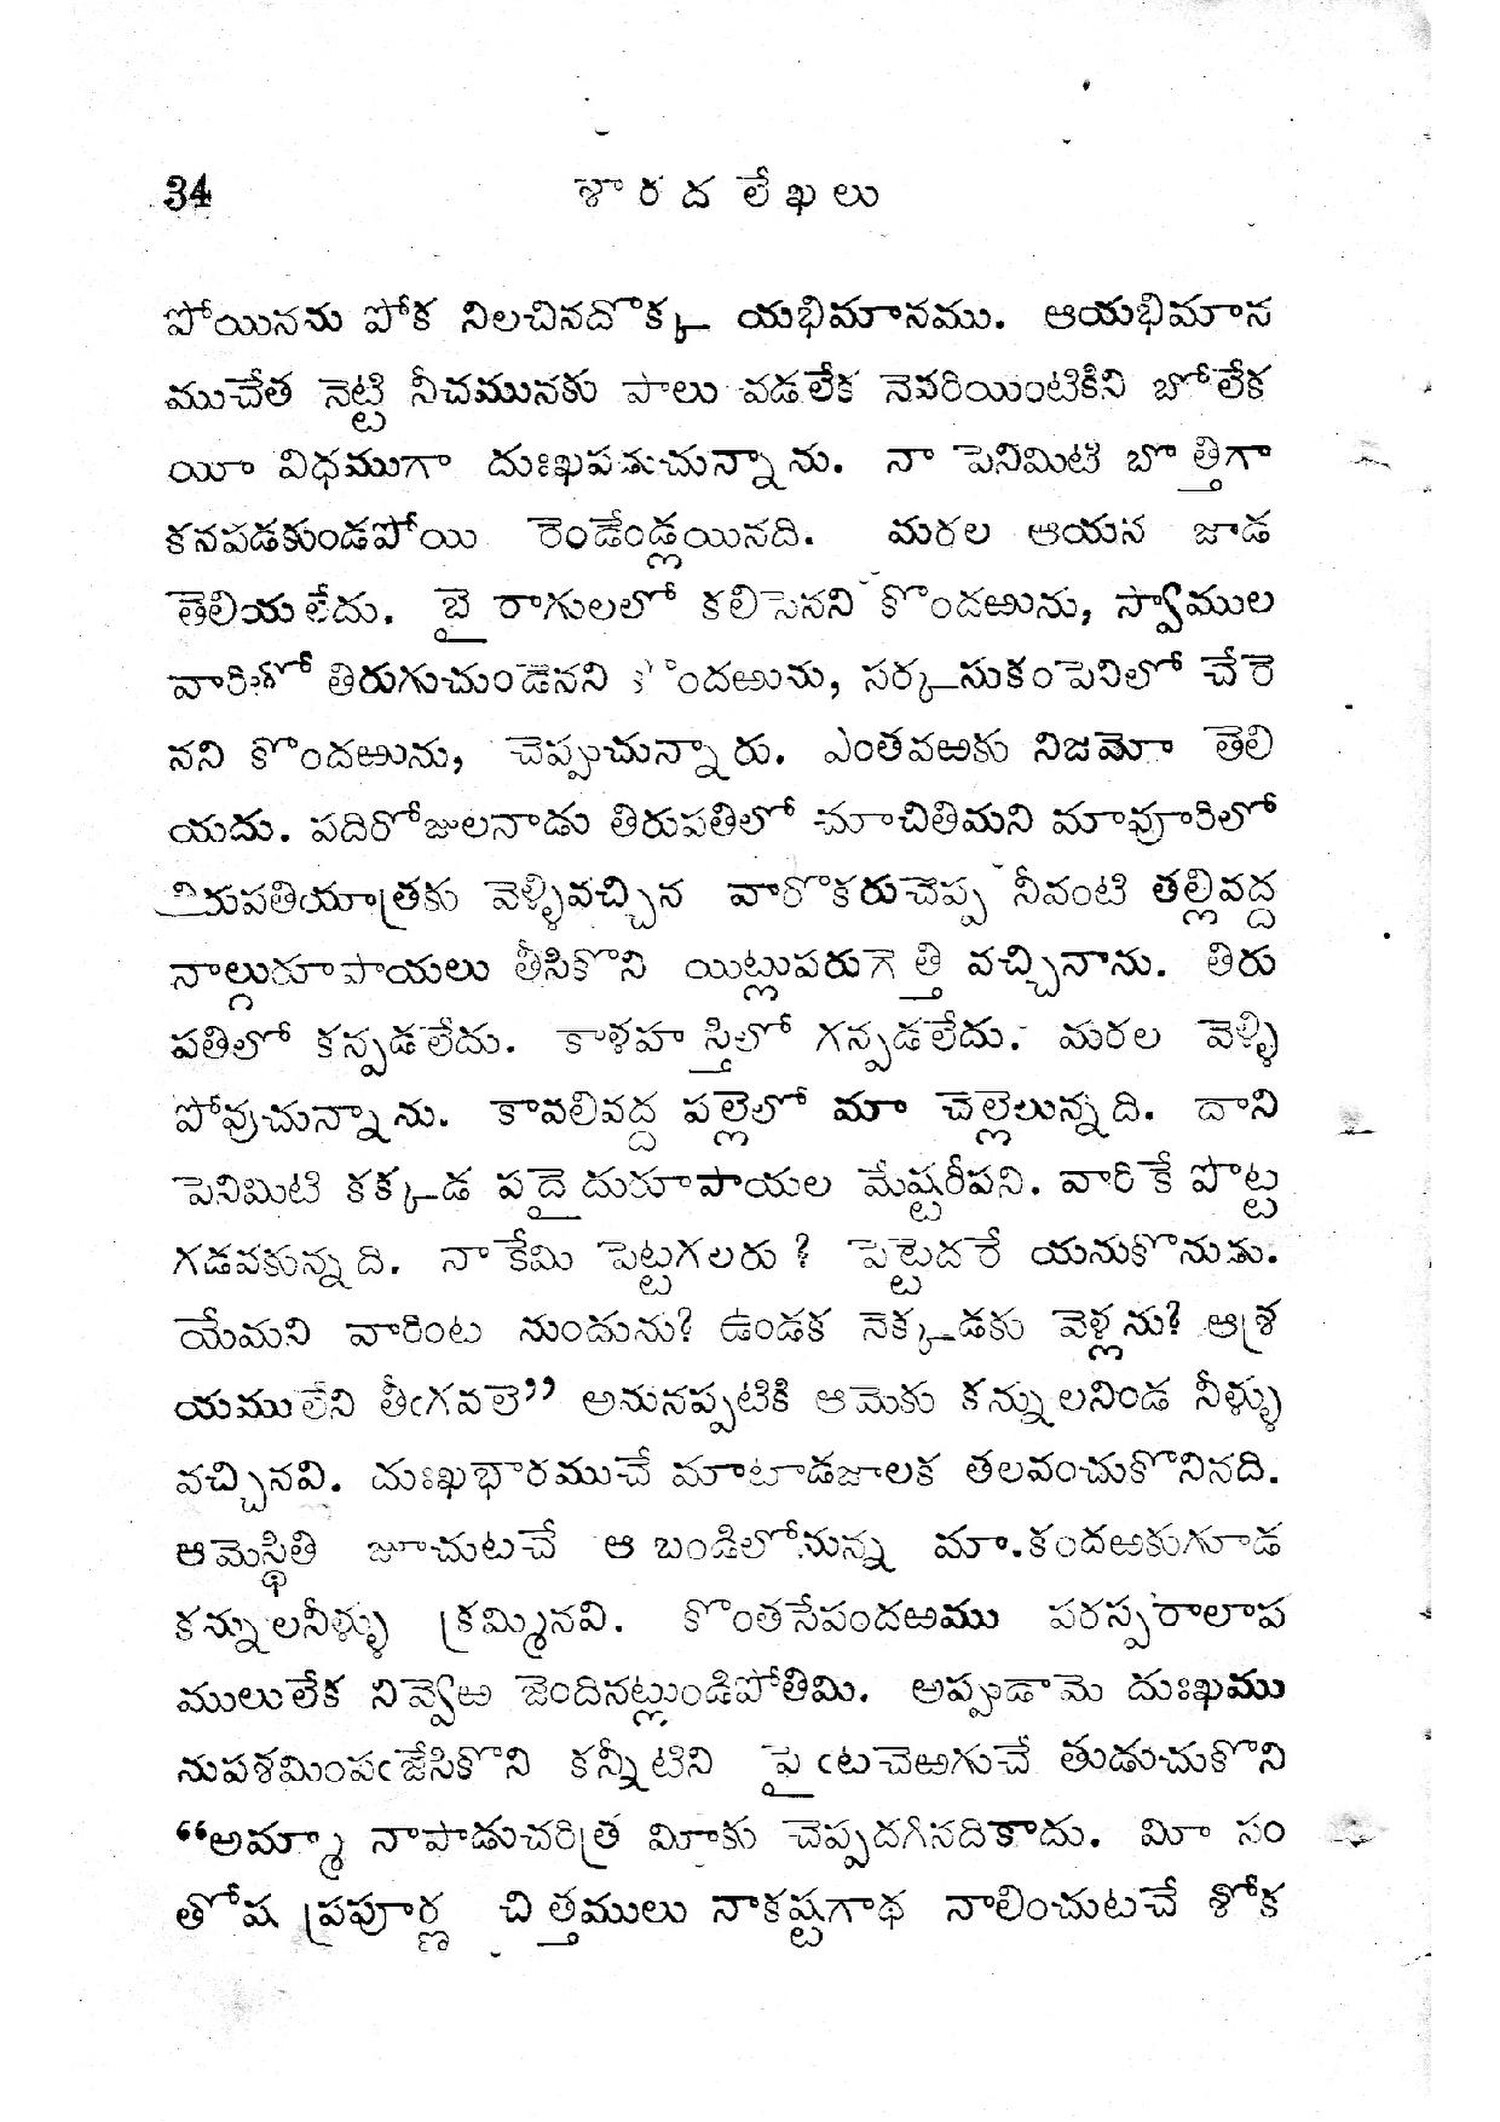పోయినను పోక నిలచినదొక్క యభిమానము. ఆయభిమానముచేత నీచమునకు పాలు వడలేక నెవరియింటికిని బోలేక యీ విధముగా దుఃఖపడుచున్నాను. నా పెనిమిటి బొత్తిగా కనపడకుండపోయి రెండేండ్లయినది. మరల ఆయన జాడ తెలియలేదు. బైరాగులలో కలిసెనని కొందఱును, స్వాములవారితో తిరుగుచుండెనని కొందఱును, సర్కసుకంపెనిలో చేరెనని కొందఱును, చెప్పుచున్నారు. ఎంతవఱకు నిజమో తెలియదు. పదిరోజులనాడు తిరుపతిలో చూచితిమని మావూరిలో తిరుపతియాత్రకు వెళ్ళివచ్చిన వారొకరుచెప్ప నీవంటి తల్లివద్ద నాల్గురూపాయలు తీసికొని యిట్లుపరుగెత్తి వచ్చినాను. తిరుపతిలో కన్పడలేదు. కాళహస్తిలో గన్పడలేదు. మరల వెళ్ళిపోవుచున్నాను. కావలివద్ద పల్లెలో మా చెల్లెలున్నది. దాని పెనిమిటి కక్కడ పదైదురూపాయల మేష్టరీపని. వారికే పొట్ట గడవకున్నది. నా కేమి పెట్టగలరు? పెట్టెదరే యనుకొనుడు. యేమని వారింట నుందును? ఉండక నెక్కడకు వెళ్లను? ఆశ్రయములేని తీఁగవలె” అనునప్పటికి ఆమెకు కన్నులనిండ నీళ్ళు వచ్చినవి. దుఃఖభారముచే మాటాడజాలక తలవంచుకొనినది.
ఆమెస్థితి జూచుటచే ఆ బండిలోనున్న మా కందఱకుగూడ కన్నులనీళ్ళు క్రమ్మినవి. కొంతసేపందఱము పరస్పరాలాపములులేక నివ్వెఱ జెందినట్లుండిపోతిమి. అప్పుడామె దుఃఖము నుపశమింపఁజేసికొని కన్నీటిని పైఁటచెఱగుచే తుడుచుకొని "అమ్మా నాపాడుచరిత్ర మీకు చెప్పదగినదికాదు. మీ సంతోష ప్రపూర్ణ చిత్తములు నాకష్టగాథ నాలించుటచే శోక